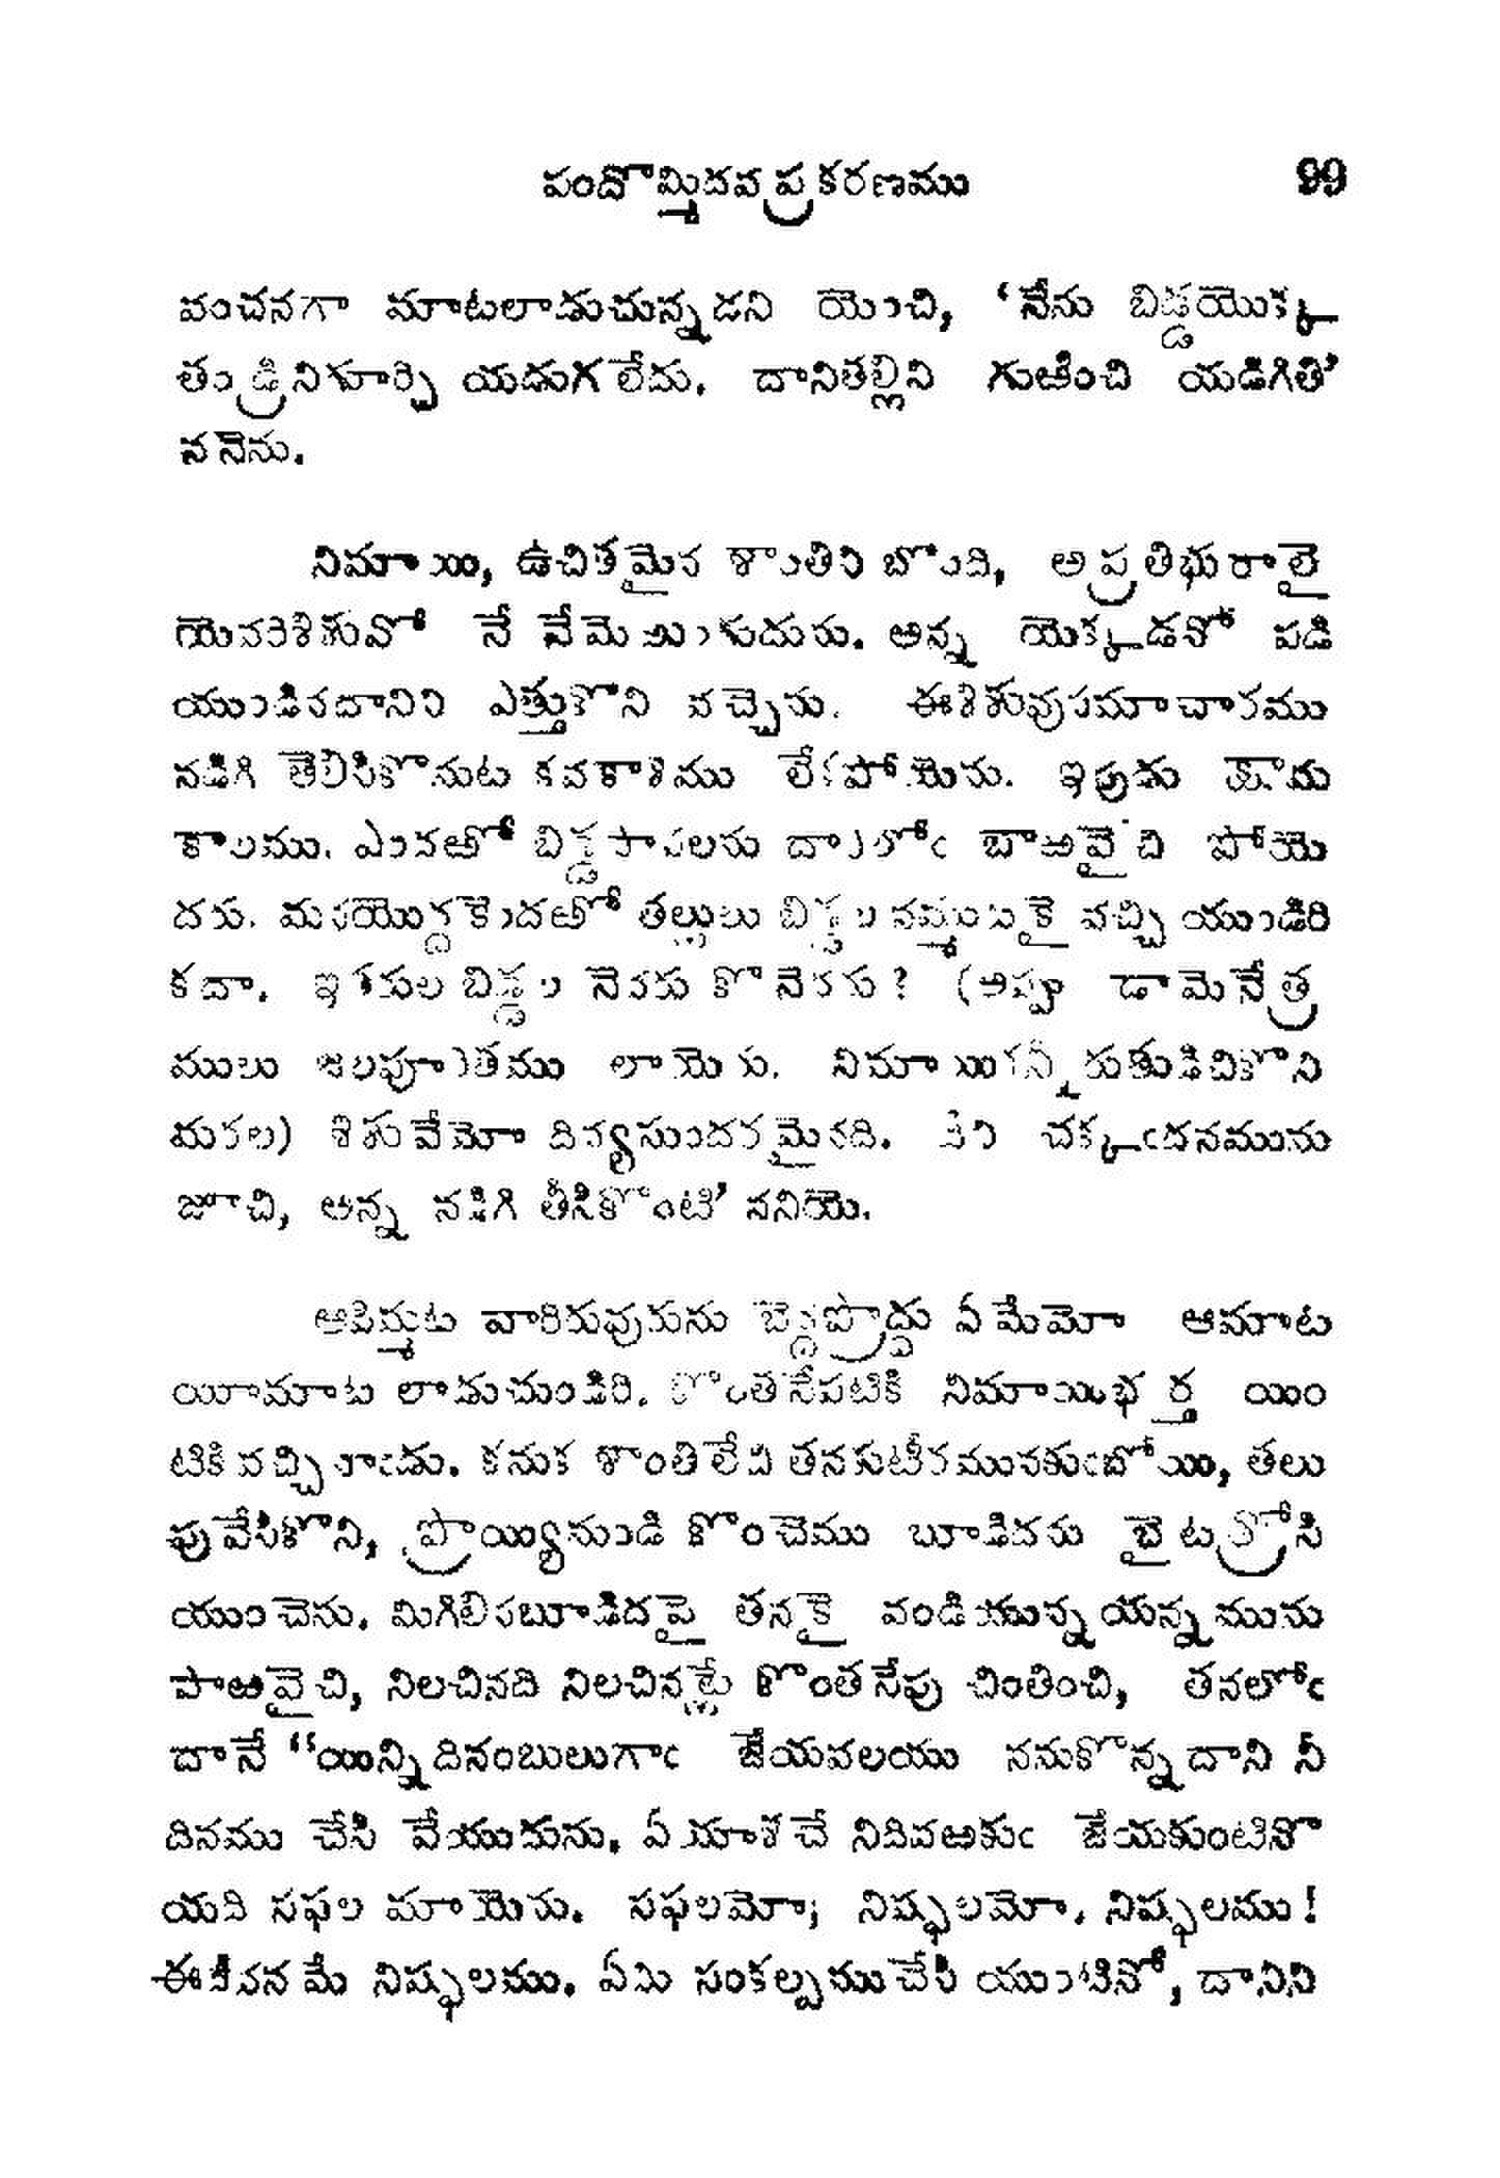వంచనగా మాటలాడుచున్నదని యెంచి, 'నేను బిడ్డ యొక్క తండ్రినిగూర్చి యడుగ లేదు. దానితల్లిని గుఱించి యడిగితి' ననెను.

నిమాయి, ఉచిత మైన శాంతిని బొంది, అప్రతిభురాలై యేవరి శిశువో నే నేమెఱుంగుదును. అన్న యెక్కడనో పడి
యుండినదానిని ఎత్తుకొని వచ్చెను. ఈశిశువు సమాచారము నడిగి తెలిసికొనుట కవకాశము లేకపోయేను. ఇపుడు క్షామ
కాలము. ఎందఱో బిడ్డ పాపలను దారిలోఁ బాఱవైచి పోయెదరు. మనయొద్ద కెందఱో తల్లులు బిడ్డల నమ్ముటకై వచ్చి యుండిరి కదా. ఇతరుల బిడ్డల నెవరు కొనెదరు? (అప్పుడామె నేత్రములు జలపూరితము లాయెను. నిమాయి కన్నీరు తుడుచుకోని మరల) శిశువేమో దివ్యసుందరమైనది. దీని చక్కఁదనమును జూచి, అన్న నడిగి తీసికోంటి' ననియె.

ఆపిమ్మట వారిరువునును బెద్దప్రొద్దు ఏమేమో ఆమాట యీమాట లాడుచుండిరి. కోంత సేపటికి నిమాయి భర్త యింటికి వచ్చినాఁడు. కనుక శాంతి లేచి తనకుటీరమునకుఁబోయి, తలుఫు వేసికొని, ప్రొయ్యి నుండి కొంచెము బూడిదను బైటత్రొసి
యుంచెను. మిగిలినబూడిదపై తనకై వండి యున్న యన్నమును పాఱవైచి, నిలచినది నిలచినట్లే కొంతసేపు చింతించి, తనలోఁ దానే “యిన్ని దినంబులుగాఁ జేయవలయు ననుకొన్న దాని నీ దినము చేసి వేయుదును, ఏయాశచే నిదివఱకుఁ జేయకుంటినో యది సఫల మాయెను. సఫలమో; నిష్ఫలమో, నిష్ఫలము ! ఈజీవనమే నిష్ఫలము, ఏమి సంకల్పము చేసి యుంటినో, దానిని